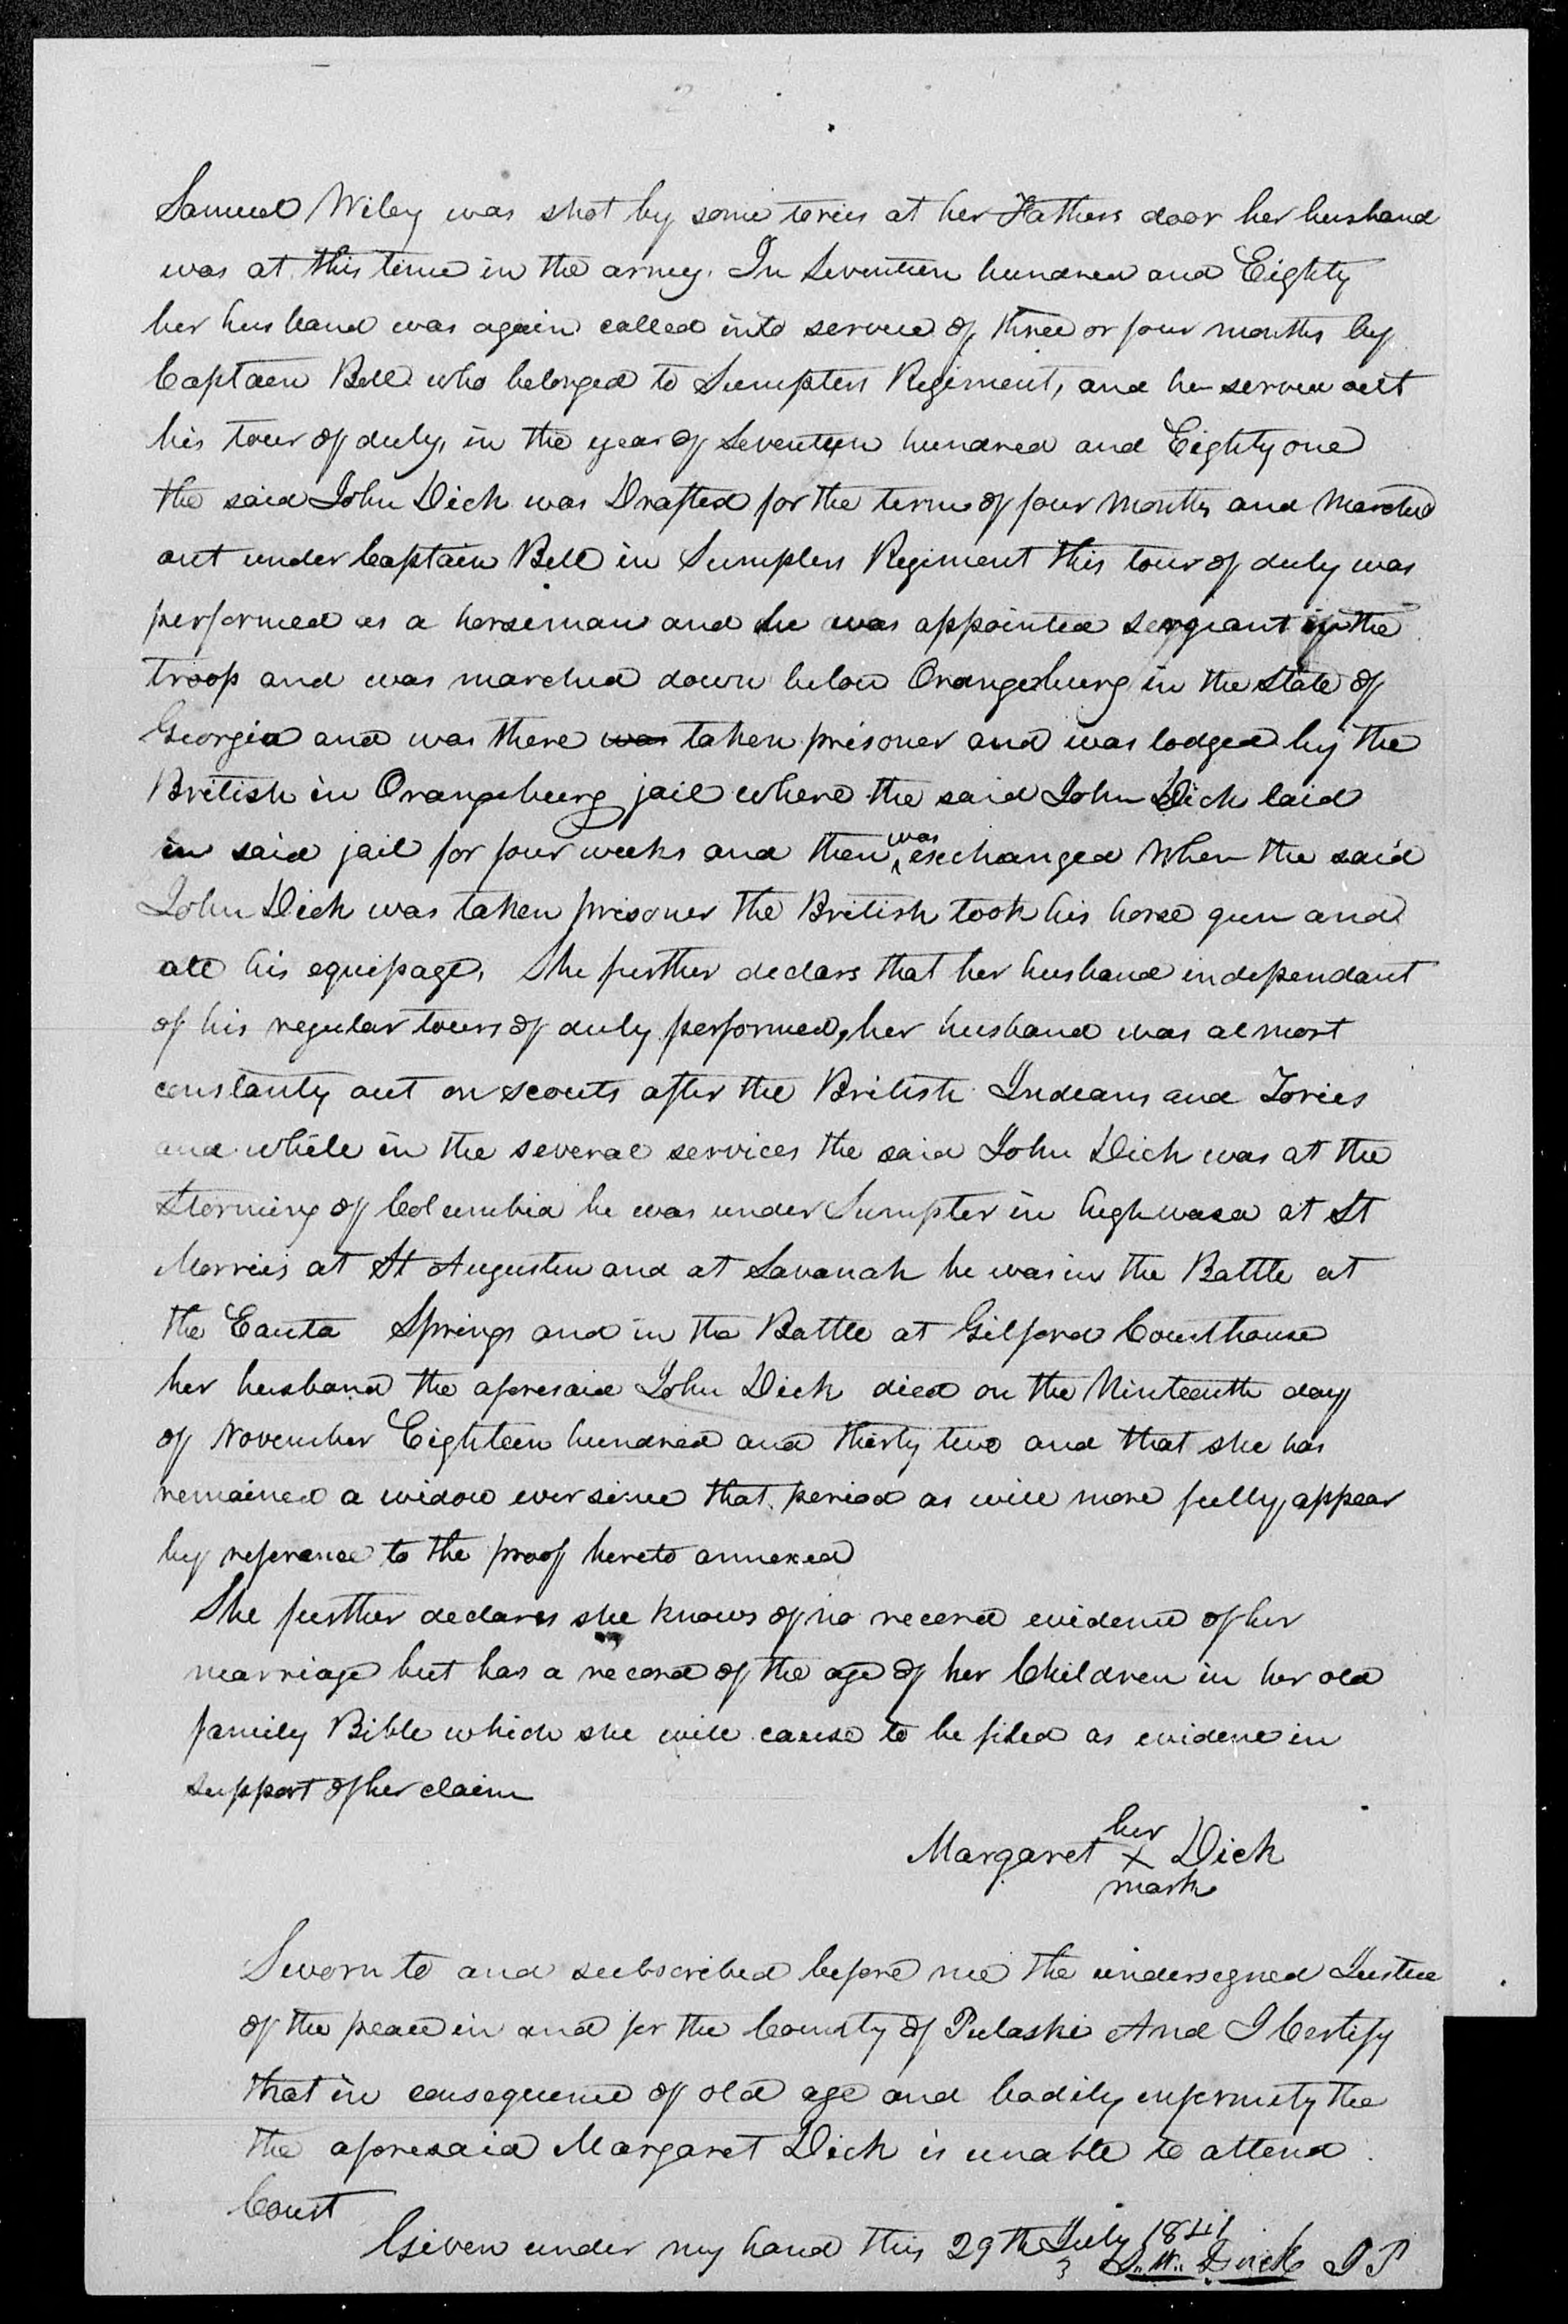Samuel Willey was shot by some tories at her Fathers door her husband was at this time in the army. In Seventeen hundred and Eighty her husband was again called into service of three or four months by Captain Bell who belonged to Sumpters Regiment, and he served out his tour of duty, in the year of Seventeen hundred and Eighty one. The said John Dick was Drafted for the term of four months and marched out under Captain Bell in Sumpters Regiment this tour of duty was performed as a horseman and he was appointed Sergeant in the troop and was marched down below Orangeburg in the State of Georgia and was there was taken prisoner and was lodged by the British in Orangeburg jail where the said John Dick laid in said jail for four weeks and then was exchanged when the said John Dick was taken prisoner. The British took his horse gun and all his equipage. She further declare that her husband independant of his regular tours of duly performed, her husband was almost constantly out on scouts after the British Indians and Tories and while in the several services the said John Dick was at the storming of Columbia he was under Sumpter in highwasa at St Morries at St Augustin and at Savanah he was in the Battle at the Eauta Springs and in the Battle at Gilford Courthouse her husband the aforesaid John Dick died on the Ninteenth day of November Eighteen hundred and thirty two and that she has remained a widow ever since that period as will more fully appear by reference to the proof hereto annexed.
 She further declares she knows of no record evidence of her by marriage but has a record of the age of her Children in her old family Bible which she will cause to be filed as evidence in support of her claim Margaret Dick her x mark - Sworn to and subscribed before me the undersigned Justice of the peace in and for the County of Pulaski And I Certify that in consequence of old age and bodily infirmity the the aforesaid Margaret Dick is unable to attend Court. Given under my hand this 29th July 1841 [illegible]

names: J W Dick, Margaret Dick, Samuel Wiley, John Dick, John Dick, John Dick, Bell, John Dick, Bell, John Dick, Margaret Dick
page: 4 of 31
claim: widow's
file: W. 8668, John Dick, S C